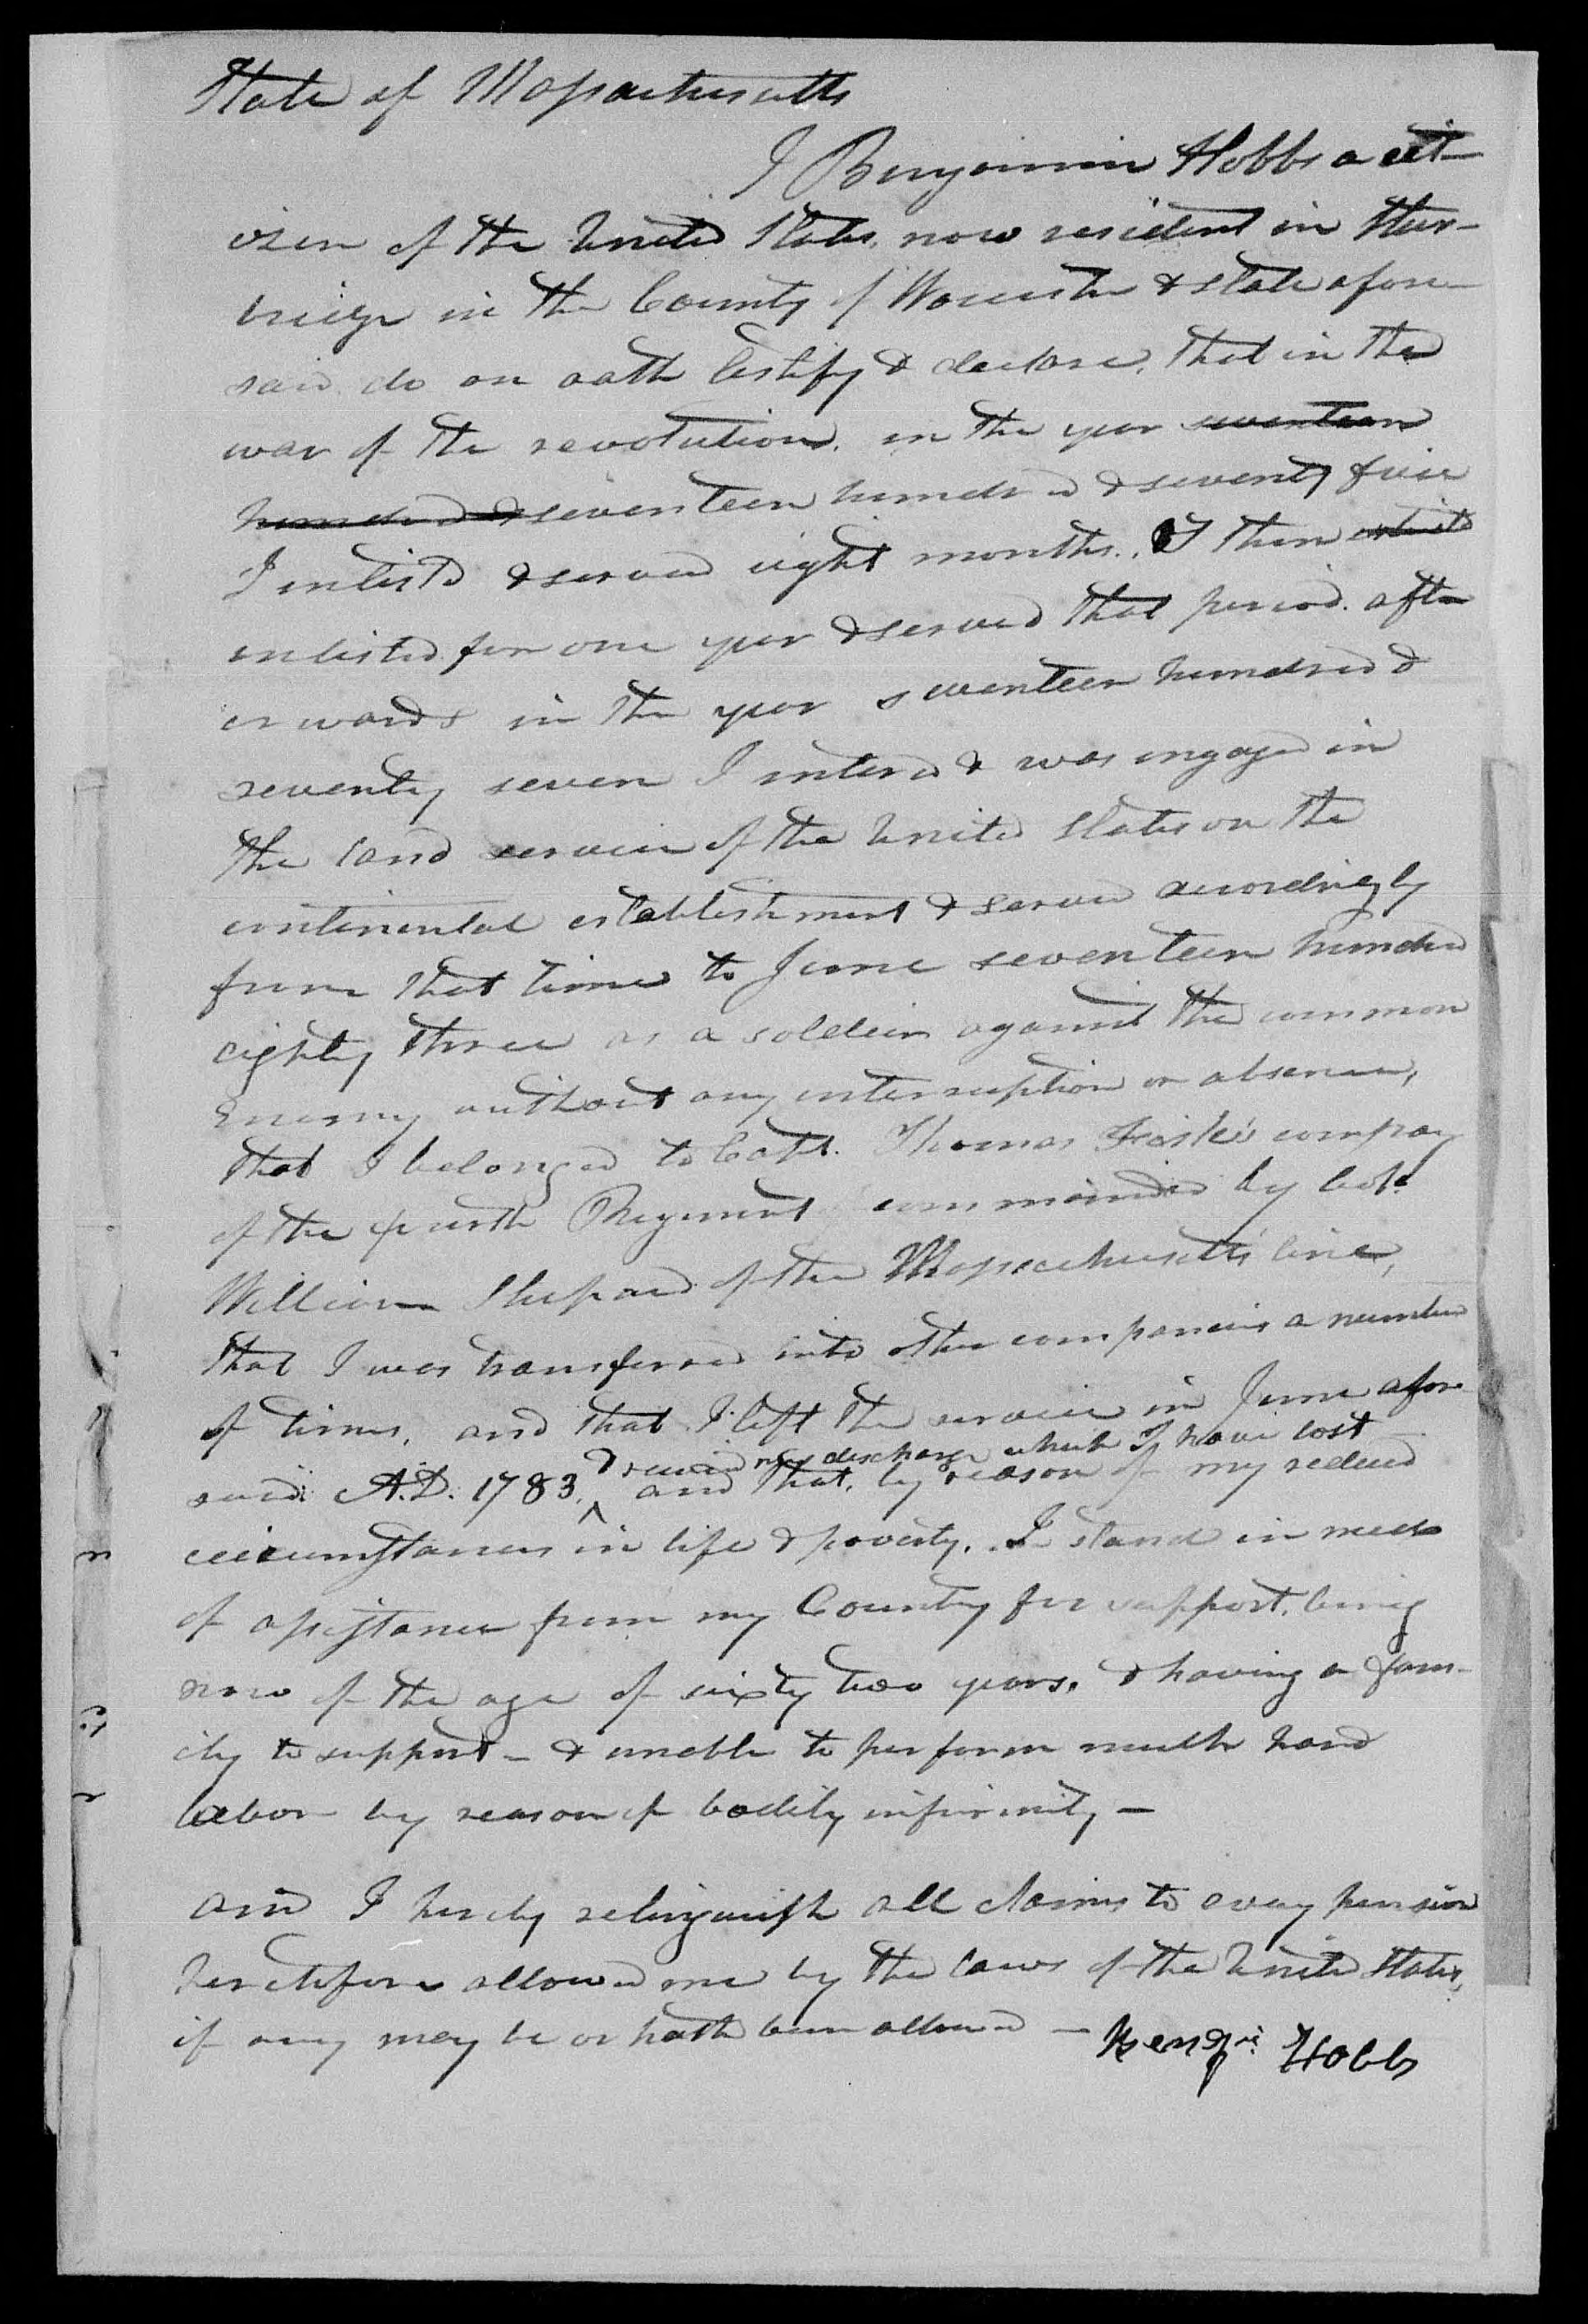State of Massachusetts

I Benjamin Hobbs a citizen of the United States, now resident in Sturbridge in the County of Worcester & state aforesaid, do on oath testify and declare, that in the war of the revolution, in the year [crossed-out seventeen hundred] seventeen hundred & seventy five I enlisted & served eight months. I then [crossed out enlists] enlisted for one year & served that period. Afterwards in the year seventeen hundred & seventy seven I [illegible] & was engaged in the land service of the United States on the continental establishment & served accordingly from that time to June seventeen hundred eight three as a soldier against the common enemy without any interruption or absence, that I belonged to Capt. Thomas Feiske's company of the fourth Regiment commanded by Col. William Shepard of the Massachusetts line, that I was transferred into other companies a number of times, and that I left the service in June aforesaid A.D. 1783. I received my discharge which I have lost and that, by reason of my reduced circumstances in life & poverty, I stand in need of assistance from my Country for support, being now of the age of sixty two years & having a family to support & unable to perform much hand labor by reason of bodily infirmity.

And I hereby relinquish all claims to every pension heretofore allowed me by the Court of the United States, if any may be or hath been allowed.

Benjn. Hobbs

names: Benja Hobbs, Benjamin Hobbs, William Shepard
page: 6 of 13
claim: survivor's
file: S. 32,846, Benjamin Hobbs, Continental Mass. & War Of 1812